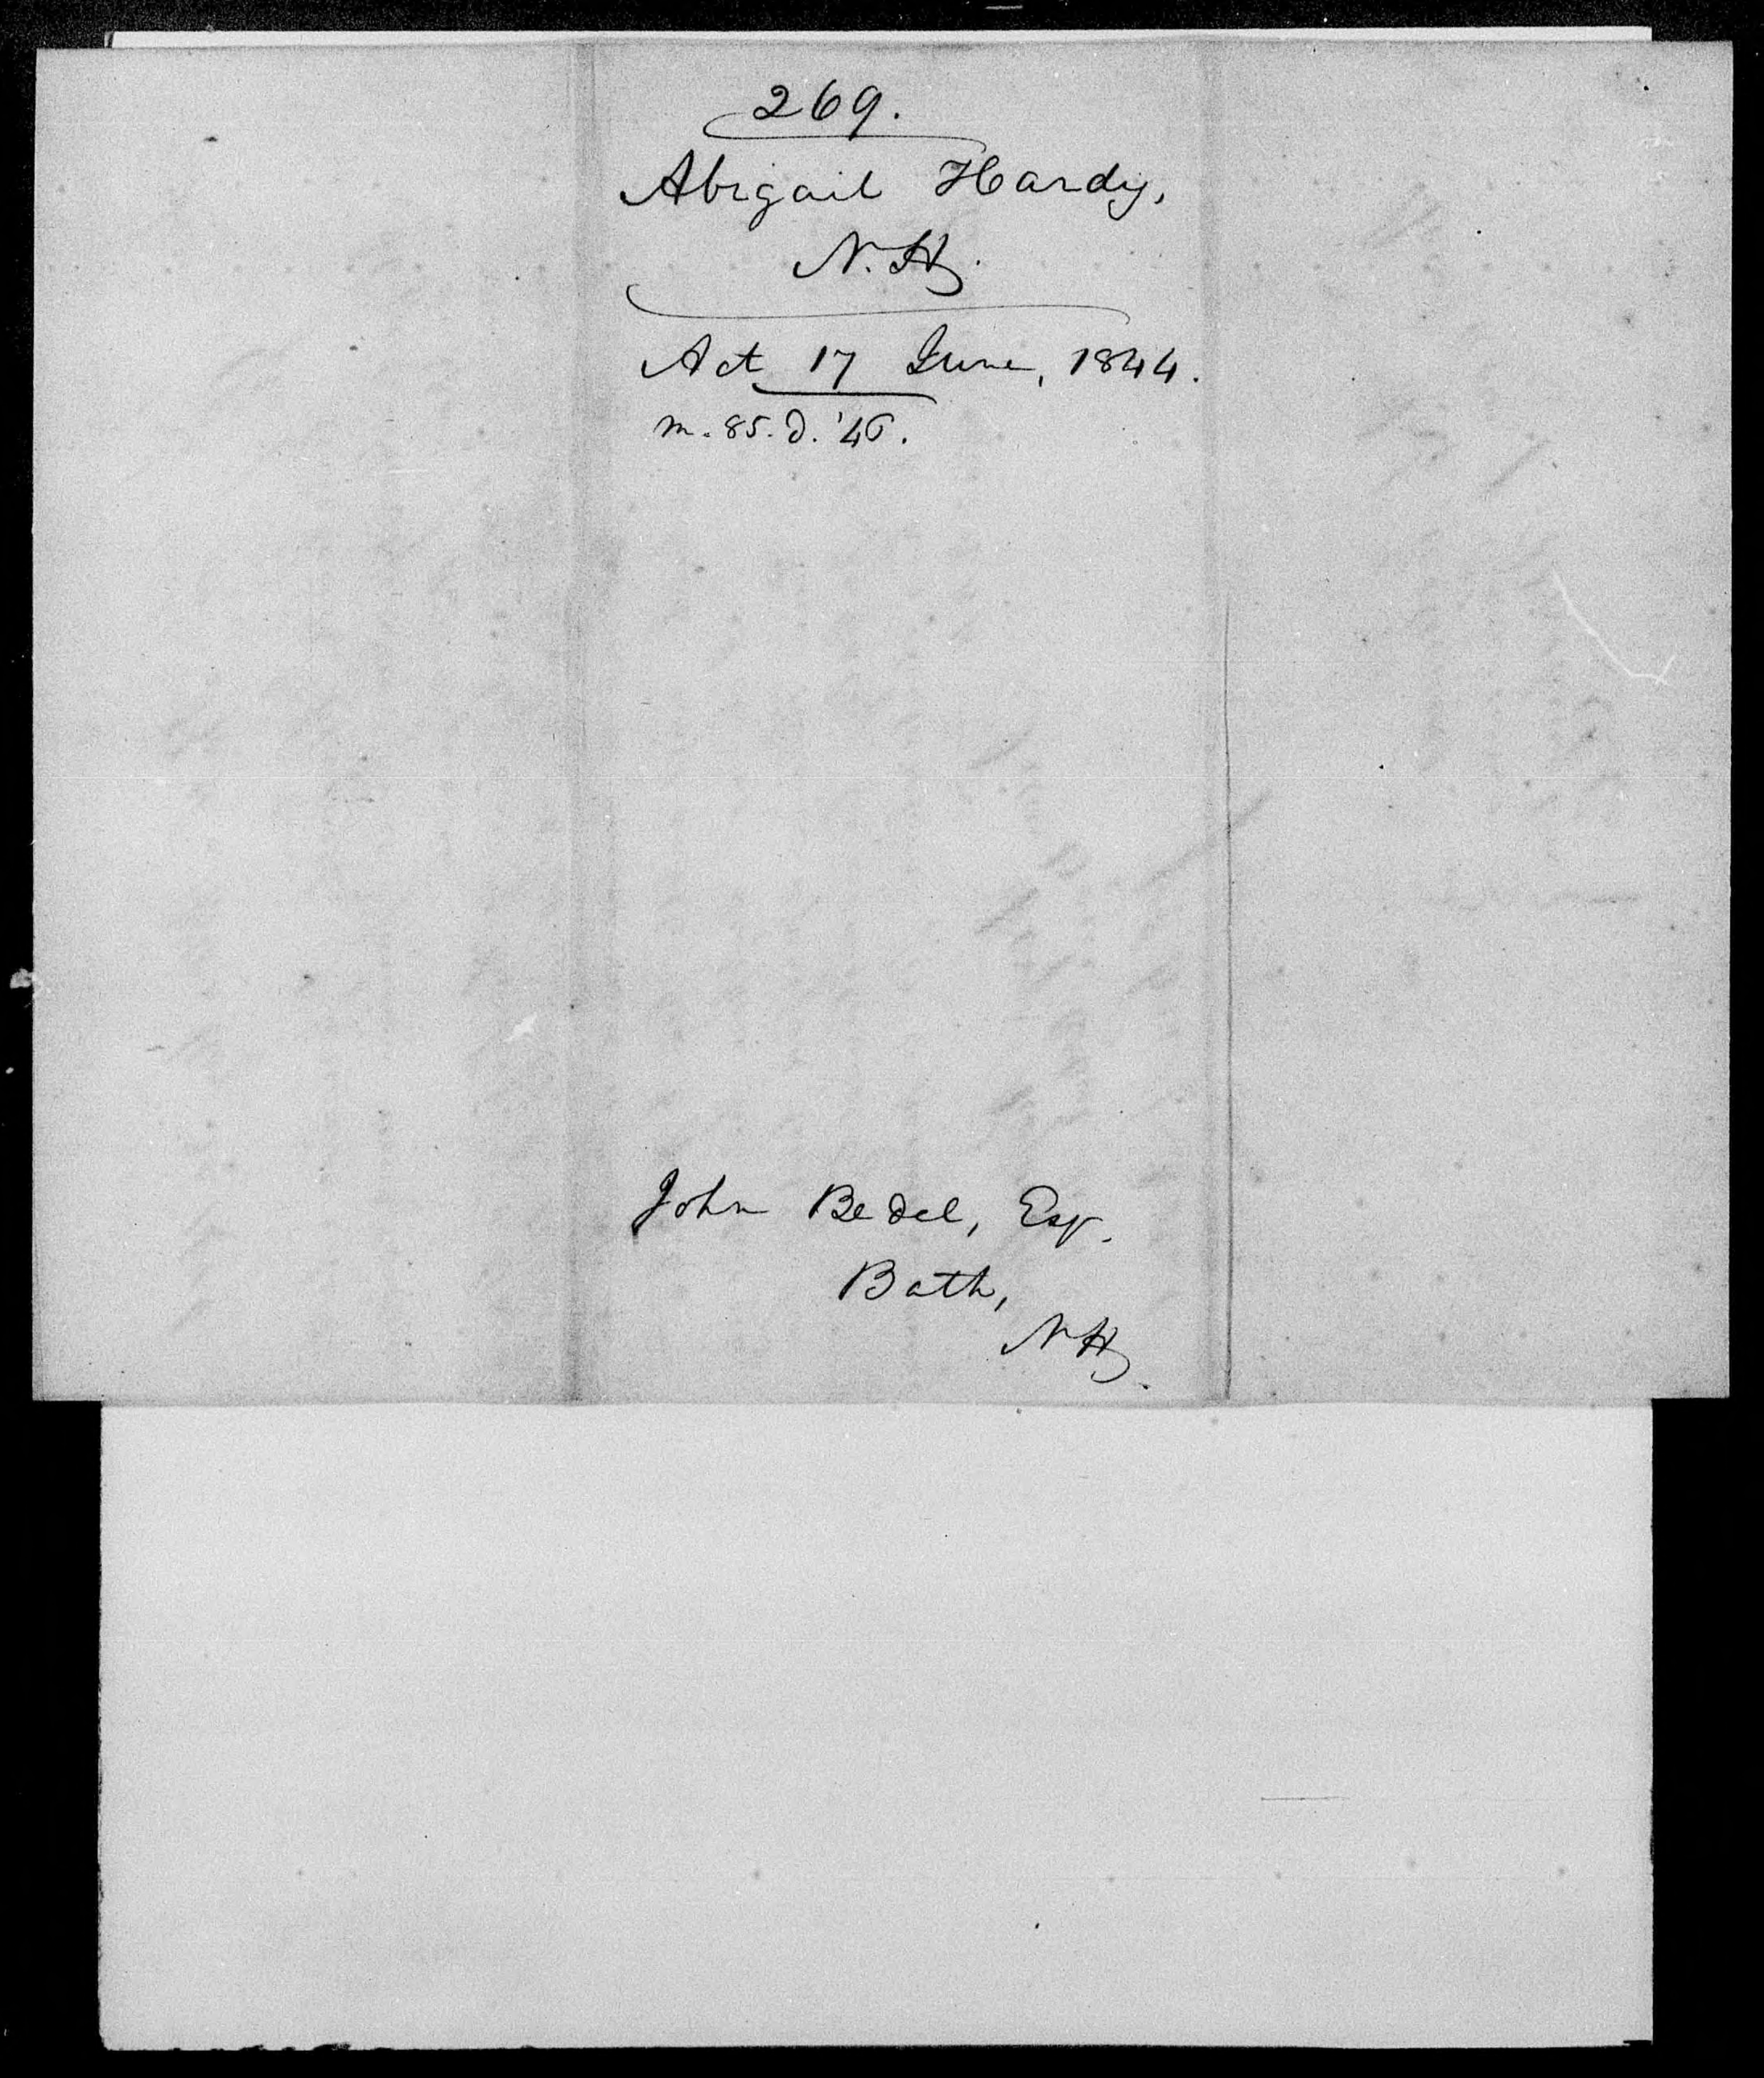269. Abigail Hardy NH
Act 17 June 1844
m. 85 d. '46
John Bedel, Esq.
Bath, NH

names: Abigail Hardy, John Bedel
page: 41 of 67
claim: widow's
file: W. 23183, Jesse Hardy, Mass.